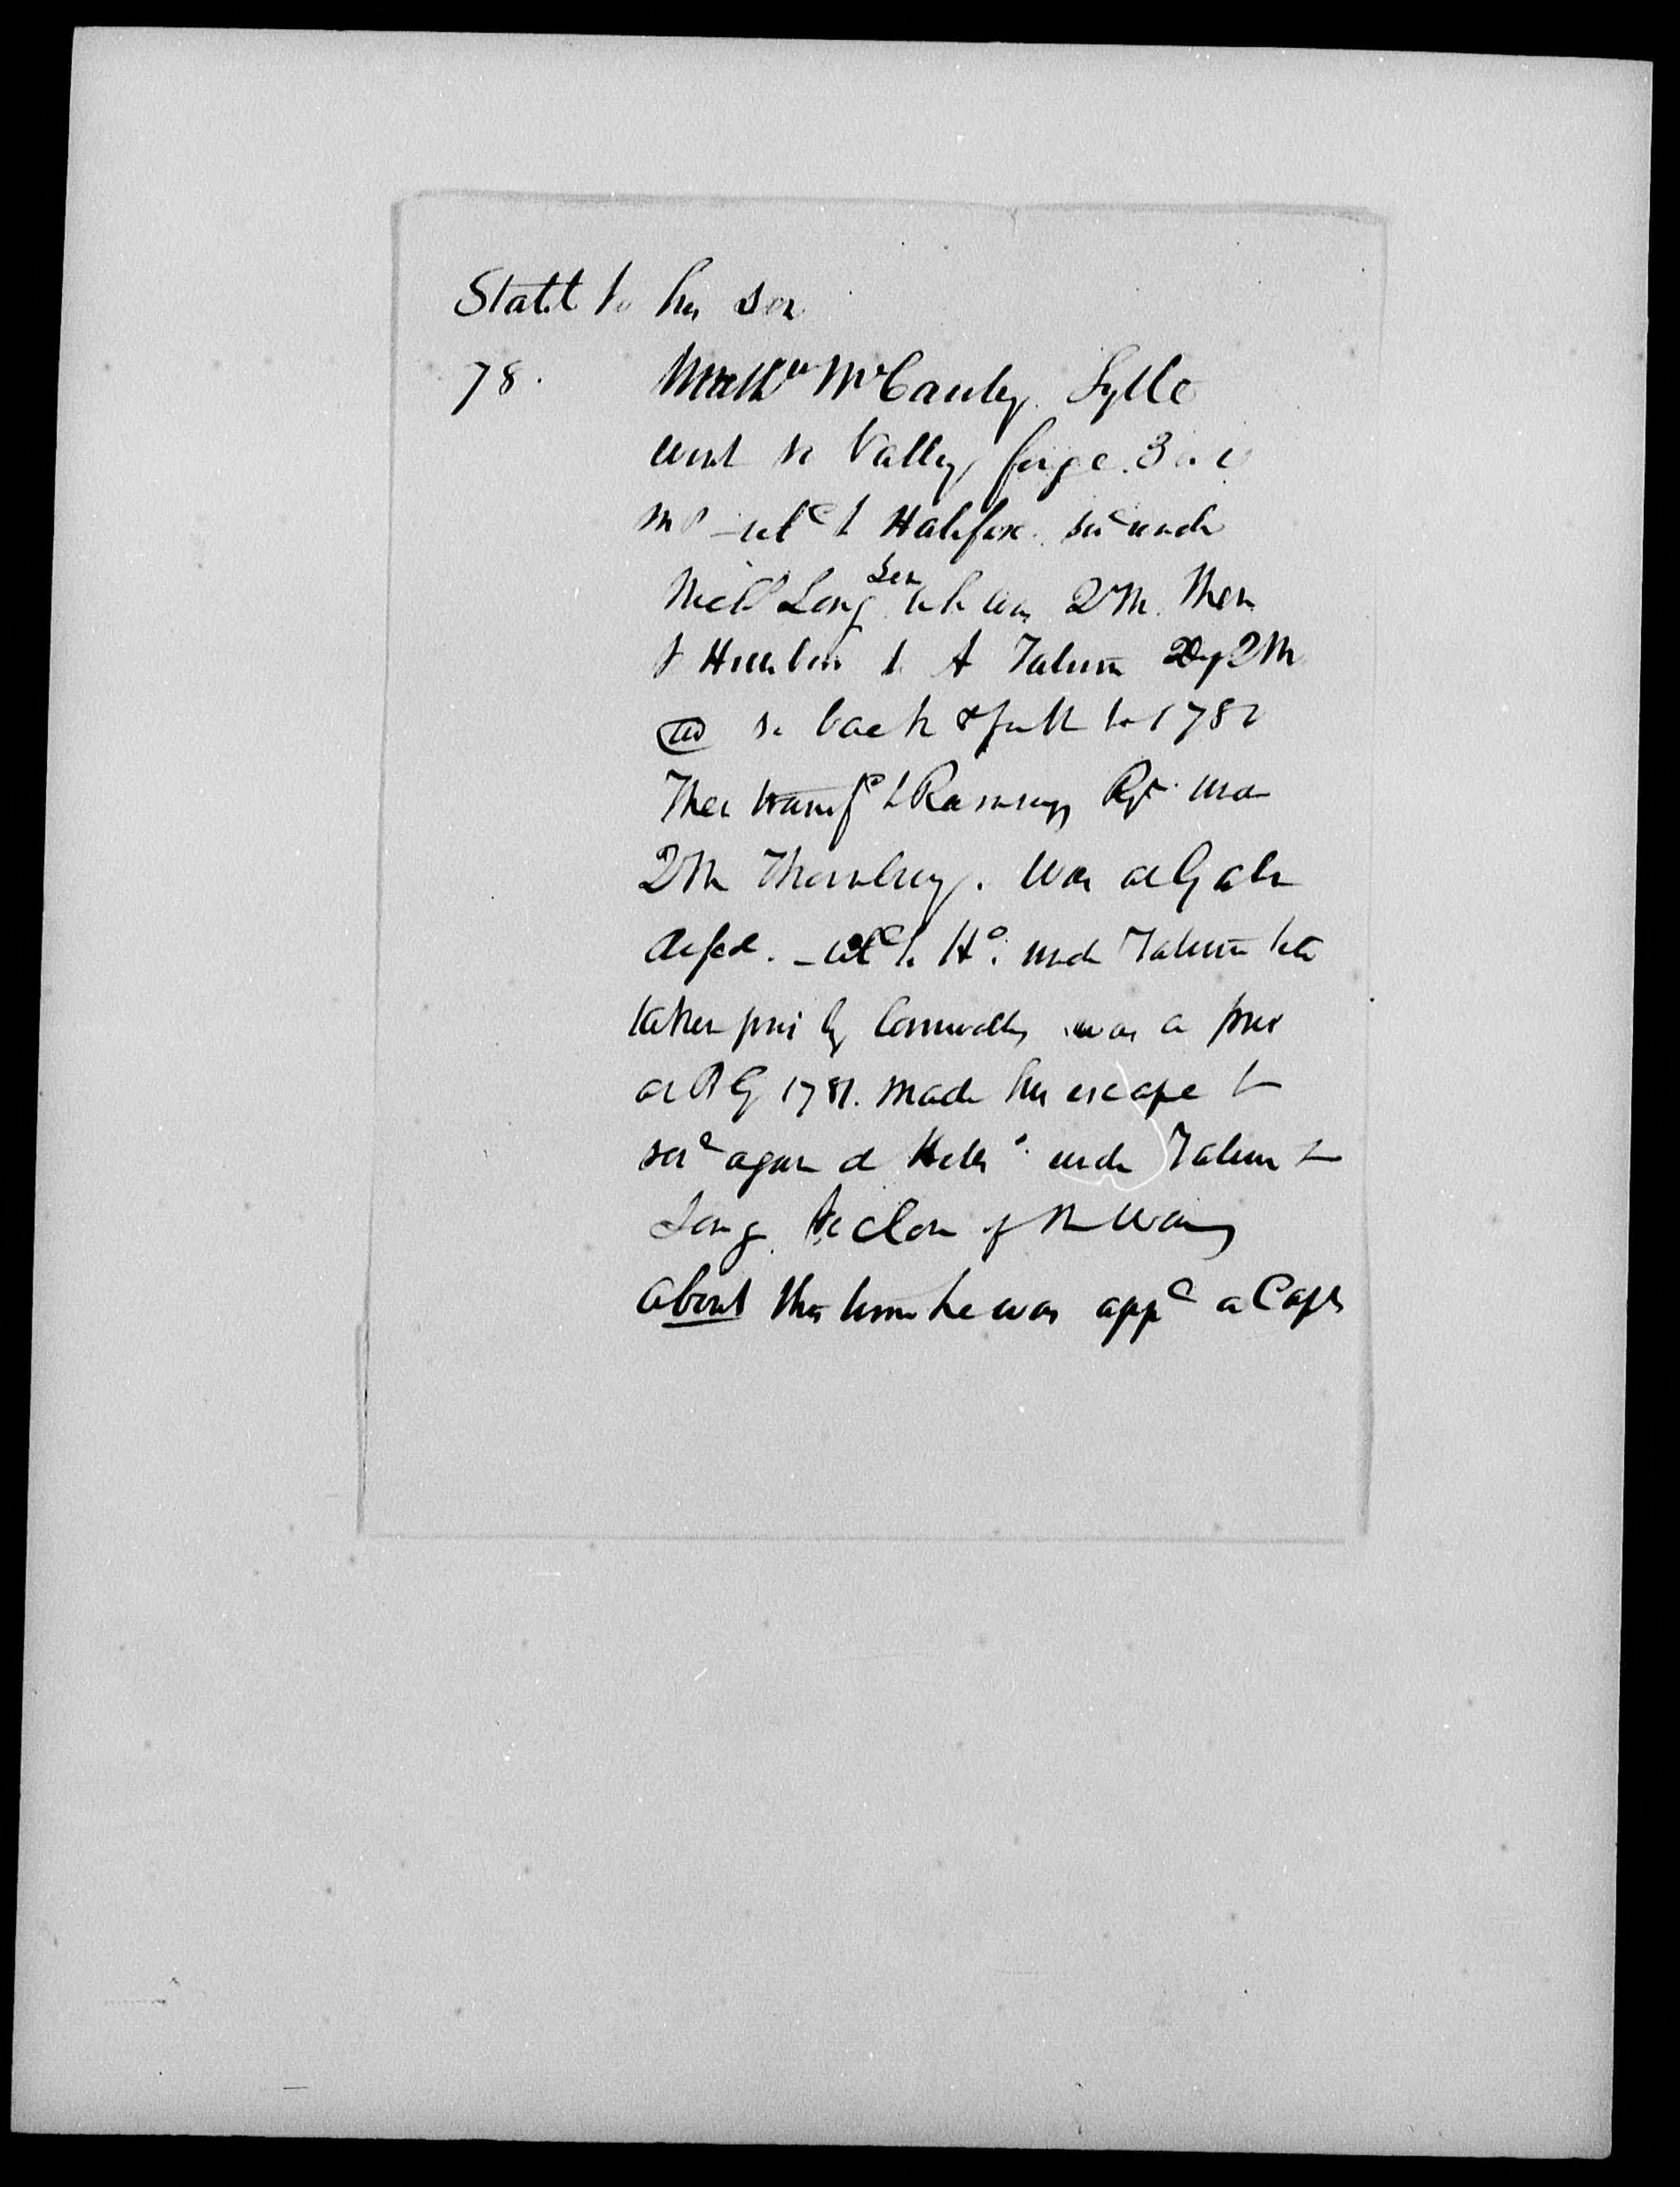[Handwritten record with several illegible words and phrases.  Occasional spacing has been included, to make the long text block easier to read.]

[?] Statet [possibly meaning statute] to his [? her] son.

78.  Mathw McCauly. Lytle went to Valley ferge [forge] 3 [illegible] mos - retd [possibly meaning returned] to Halifax. [?See under] [illegible] Long ^Sen [illegible, possibly wh was, meaning where was] ] QM. [? Quarter Master] 

Then S [or J] [? Hunter] [?to] A Tatum 2 Dy 2 M [possibly meaning ? 2 days, 2 months] [?and] se back and full [illegible] 1782  Then transfd [?transferred] [?] L Ramseys Regt. [illegible] [?20th Thornbury.

Was [illegible phrase] _ [Illegible] to Ho. [?] was Taken late taken pris [probably meaning prisoner] by Cornwell.  was a [or he was a] pris [possibly prisoner] at RG 1781.  Made his escape [illegible squiggle] serd [? served] apar a [?] Keth under Tatum [illegible squiggle] Long [illegible phrase] [here the following word was underlined] About the time he was appd [appointed] a Capt [Captain]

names: Tatum, Nichs Long, Tatum, A Tatum, Mathw Mc Cauley, Long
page: 17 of 145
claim: survivor's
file: S. 8265, William Cumming, N.C.